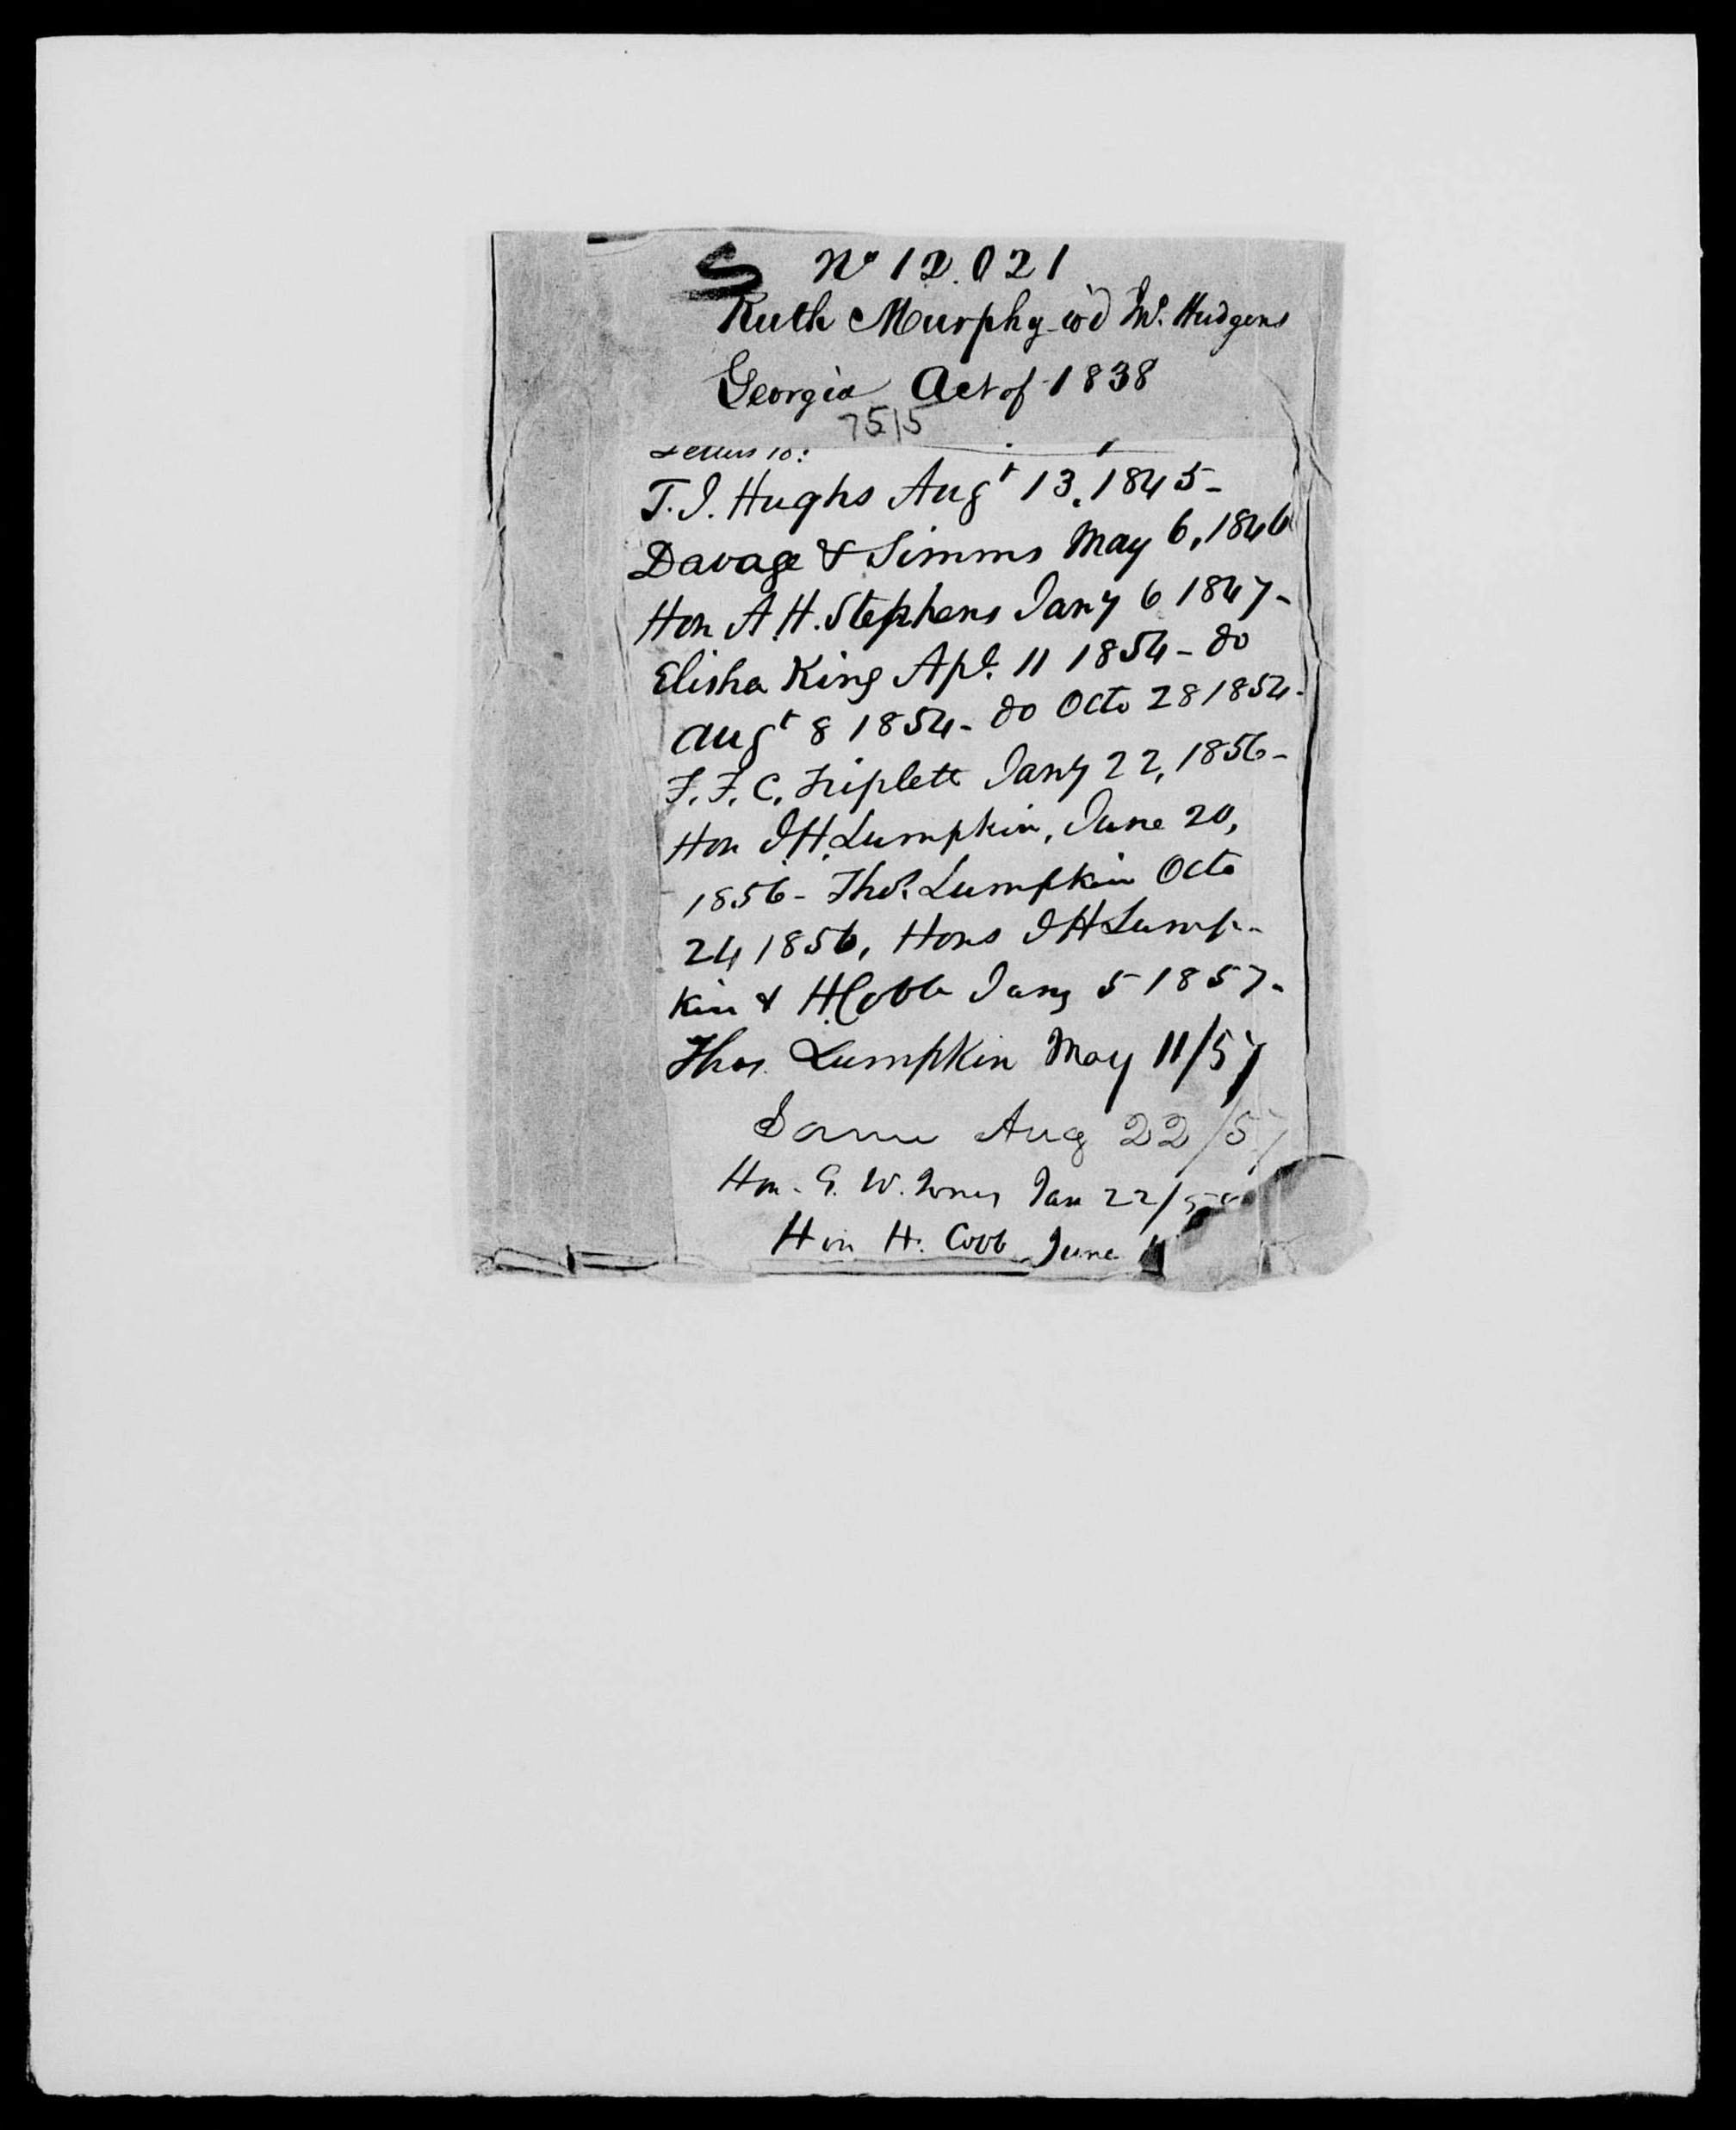S.  No 12021
Ruth Murphy and John Hudgins

Georgia act of 1838
7515
Letters to:
T.J. Hughs Aug’ 13. 1845
Davage & Simms May 6, 1866
Hon A.H. Stephans Jany 6, 1867
Elisha King APL. 11 1854-JO
Aug 8 1856 - JO Oct 28 1856-
F.F.C Triplett Jany 22, 1856-
Hon JH Lumpkin, June20
1856- J.H. Lumpkin Oct
24, 1856, Hons JH Lumpkin & H. Cobb Jany 5, 1857-
JH Lumpkin May 11/57
Same Aug 22/57
Hon. G.W. (Not legible) Jan22/58
Hon H. Cobb June (end of page that is folded over and not legible)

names: T J Hughs, Thos Lumpkin, J H Lumpkin, Elisha King, G W Jones, H Cobb, Jno Hudgens, F F C Triplett, Simms, Davage, A H Stephens, Ruth Murphy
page: 17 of 108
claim: rejected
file: R. 7,515, John Hudgins, N.C.